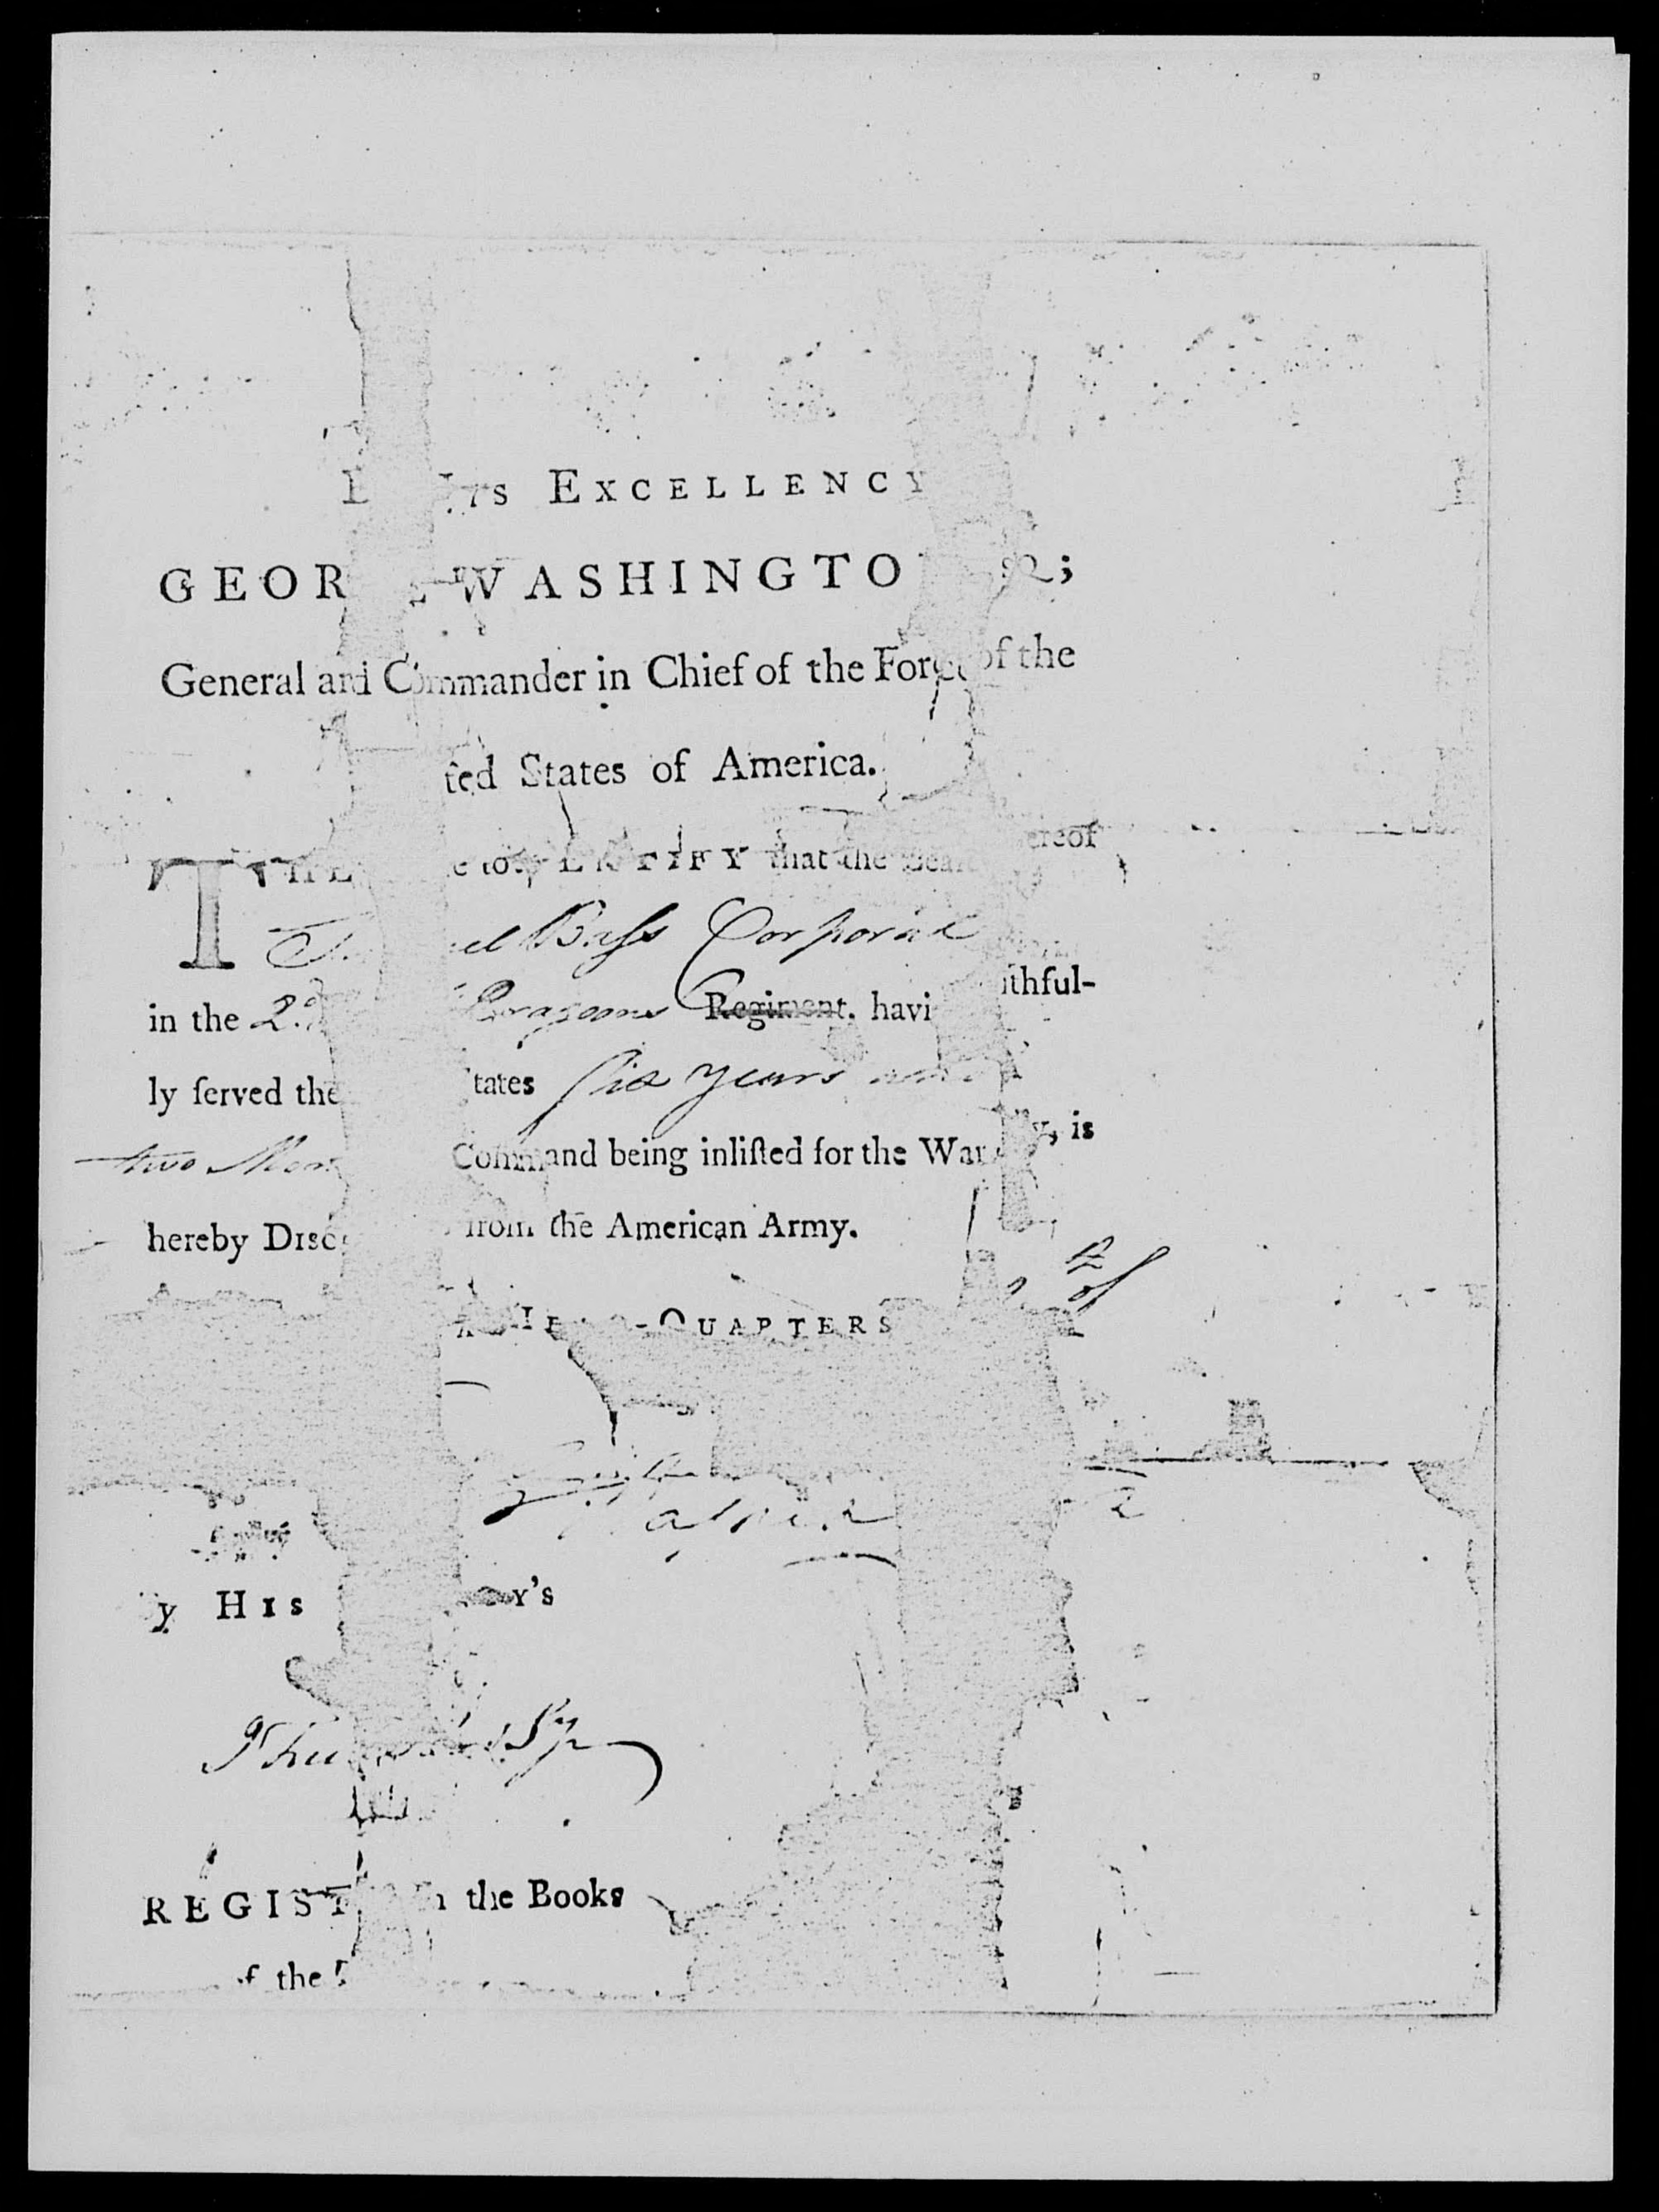HIS EXCELLENCY
GEORGE WASHINGTON ESQ; 
General and Commander in Chief of the Forces of the
United State of America.
THE [missing] to CERTIFY that the bearer thereof 
Samuel Bass Corporal
in the 2d Lt. Dragoons having faithfully 
served these[?] States Six years and
two Months Command being inlisted for the War, is 
hereby DISCHARGED from the American Army.
[missing] HEADQUARTERS
[missing signature]
By HIS [EXCELLENCY'S?]
[signature illegible]
REGISTER[ED?] in the Books
[missing] of the [missing]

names: J, Samuel Bass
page: 7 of 9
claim: bounty land warrant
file: B. L. Wt. 87-100, Samuel Bass, Continental